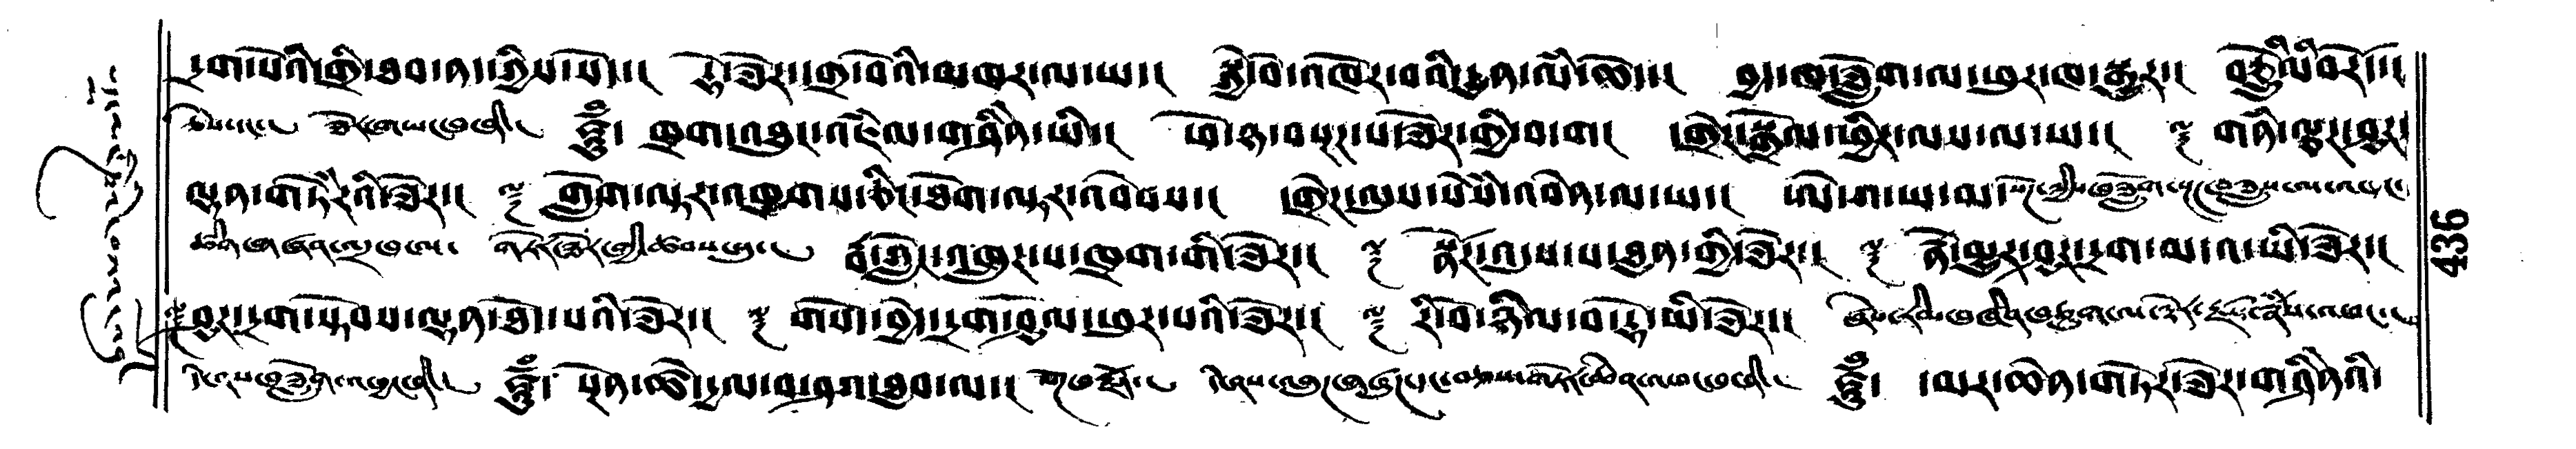།དྲག་པོའི་གྲི་ཐབ་ནད་ཀྱིས་སོད། །རྡོ་ཟོར་དགྲ་བོའི་མཁར་ལ་ཡ། །སྐྱེ་བོ་འཁོར་བའི་རྒྱུན་ལམ་ཆོད། །བྱད་ཁ་ཟློག་ལ་ཕུར་ཁ་སྒྱུར། །བཅོལ་པའི་ཕྲིན་ལས་འགྲུབ་པར་མཛོད། །
ཅེས་དང་། ཟོར་གཡང་བ་ནི། ཧཱུྃ། ཁྲག་འཐུང་འཇམ་དཔལ་གཤིན་རྗེ་ཡི། ཕོ་ཉ་མངགས་པ་ཟོར་གྱི་བདག །དགྲ་བགེགས་སྒྲོལ་ཕྱིར་ལས་ལ་ཡ། ༈ གནམ་ལྕགས་ཤུགས་
ལྡན་གཏོར་མའི་ཟོར། ༈ གློག་ལྟར་འཁྱུག་ཅིང་ཐོག་ལྟར་འབེབས། །དགྲ་བགེགས་ལུས་སེམས་འབེན་ལ་ཡ། ཨེ་ཀ་ཡ་མ་སོགས་ཀྱིས་ཟློག་སྔགས་བཟླས་ལ་འཕང་
ཚིག་གཞན་འདྲ་བ་ལ། གཏོར་ཟོར་གྱི་མཚམས་སུ། རྦ་ཀློང་འཁྲུགས་པ་ཁྲག་གི་ཟོར། ༈ སྣ་ཚོགས་འདུས་པ་ཐུན་གྱི་ཟོར། ༈ རྣོ་མྱུར་ཤུགས་དྲག་མདའ་ཡི་ཟོར། 
༈ ཤུགས་དྲག་སྟོབས་ལྡན་ཐོད་པའི་ཟོར། ༈ གསོད་བྱེད་དྲག་ཤུལ་ཕུར་པའི་ཟོར། ༈ རི་བོ་ཉིལ་བ་རྡོ་ཡི་ཟོར། ཞེས་རིམ་བཞིན་བཅུག་ལ་ཟོར་རྫས་རྣམས་འཕང་། 
དེ་ནས་ཟློག་འཕྱང་ནི། ཧཱུྃ། སྔོན་ཚེ་རྒྱལ་བ་ཤཀ་ཐུབ་ལ་སོགས་བརྗོད། དེ་ནས་འགུགས་གཞུག་དང་བཅས་གཏོར་ཆེན་འཕེན་བ་ནི། ཧཱུྃ། དམར་ཆེན་གཏོར་ཟོར་གཤིན་རྗེའི་